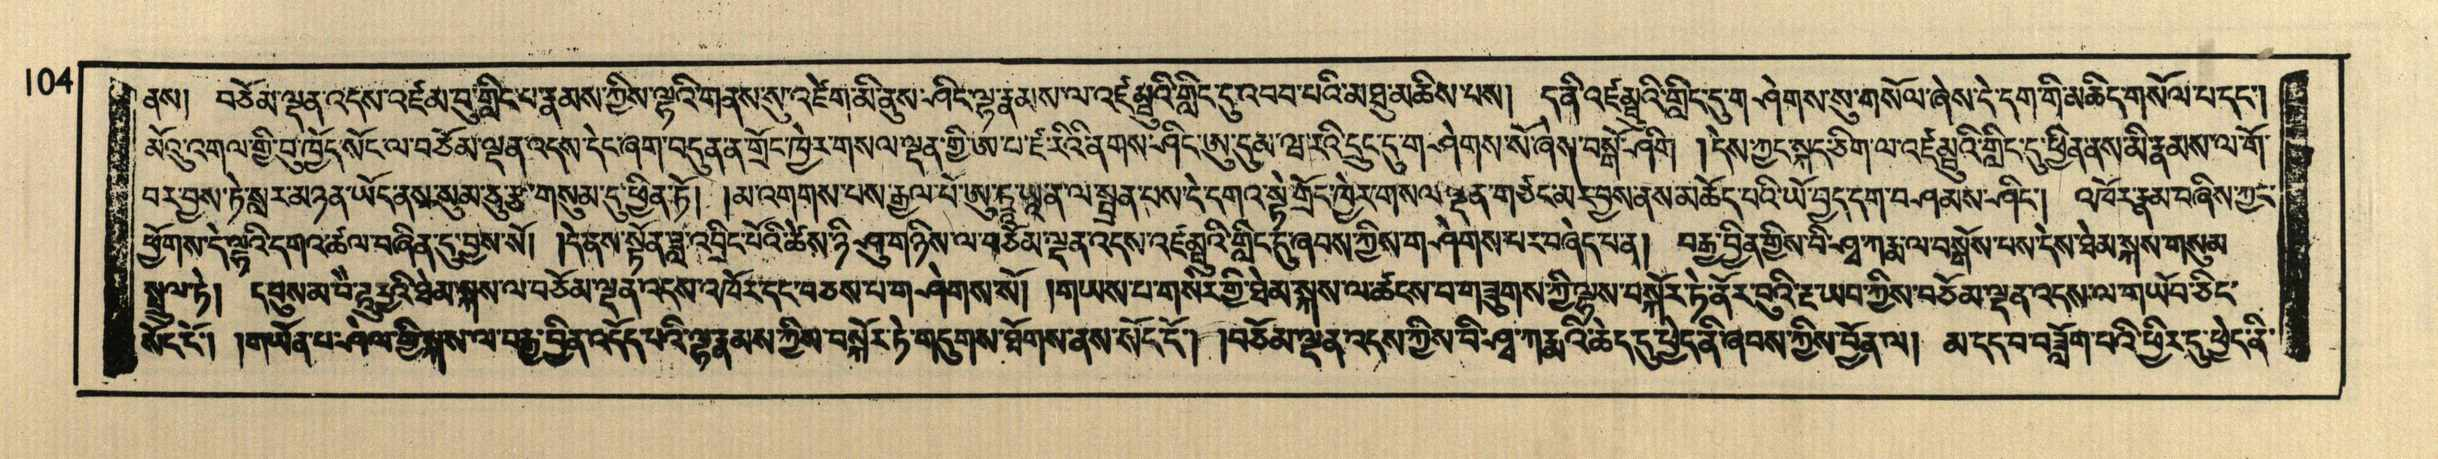ནས། བཅོམ་ལྡན་འདས་འཛམ་བུ་གླིང་པ་རྣམས་ཀྱིས་ལྷའི་གནས་སུ་འཛེག་མི་ནུས་ཤིང་ལྷ་རྣམས་ལ་འཛམྦུའི་གླིང་དུ་འབབ་པའི་མཐུ་མཆིས་པས། ད་ནི་འཛམྦུའི་གླིང་དུ་གཤེགས་སུ་གསོལ་ཞེས་དེ་དག་གི་མཆིད་གསོལ་པ་དང་།
མོའུ་འགལ་གྱི་བུ་ཁྱོད་སོང་ལ་བཅོམ་ལྡན་འདས་དེང་ཞག་བདུན་ན་གྲོང་ཁྱེར་གསལ་ལྡན་གྱི་ཨ་པ་ཛ་རིའི་ནགས་ཤིང་ཨུ་དུམ་ཝ་རའི་དྲུང་དུ་གཤེགས་སོ་ཞེས་བསྒོ་ཤིག །དེས་ཀྱང་སྐད་ཅིག་ལ་འཛམྦུའི་གླིང་དུ་ཕྱིན་ནས་མི་རྣམས་ལ་གོ་
བར་བྱས་ཏེ་སླར་མཉན་ཡོད་ནས་སུམ་ཅུ་རྩ་གསུམ་དུ་ཕྱིན་ཏོ། །མ་འགགས་པས་རྒྱལ་པོ་ཨུ་ཏྲཱ་ཡཱ་ན་ལ་སྦྲན་པས་དེ་དགའ་སྟེ་གྲོང་ཁྱེར་གསལ་ལྡན་གཙང་མར་བྱས་ནས་མཆོད་པའི་ཡོ་བྱད་དག་བཤམས་ཤིང་། འཁོར་རྣམ་བཞིས་ཀྱང་
ཕྱོགས་དེ་ལྷའི་དགའ་ཚལ་བཞིན་དུ་བྱས་སོ། །དེ་ནས་སྟོན་ཟླ་འབྲིང་པོའི་ཚེས་ཉི་ཤུ་གཉིས་ལ་བཅོམ་ལྡན་འདས་འཛམྦུའི་གླིང་དུ་ཞབས་ཀྱིས་གཤེགས་པར་བཞེད་པ་ན། བརྒྱ་བྱིན་གྱིས་བི་ཤྭ་ཀརྨ་ལ་བསྒོས་པས་དེས་ཐེམ་སྐས་གསུམ་
སྤྲུལ་ཏེ། དབུས་མ་བཻ་ཌཱུརྱའི་ཐེམ་སྐས་ལ་བཅོམ་ལྡན་འདས་འཁོར་དང་བཅས་པ་གཤེགས་སོ། །གཡས་པ་གསེར་གྱི་ཐེམ་སྐས་ལ་ཚངས་པ་གཟུགས་ཀྱི་ལྷས་བསྐོར་ཏེ་ནོར་བུའི་རྔ་ཡབ་ཀྱིས་བཅོམ་ལྡན་འདས་ལ་གཡོབ་ཅིང་
སོང་ངོ། །གཡོན་པ་ཤེལ་གྱི་སྐས་ལ་བརྒྱ་བྱིན་འདོད་པའི་ལྷ་རྣམས་ཀྱིས་བསྐོར་ཏེ་གདུགས་ཐོགས་ནས་སོང་ངོ། །བཅོམ་ལྡན་འདས་ཀྱིས་བི་ཤྭ་ཀརྨའི་ཆེད་དུ་ཕྱེད་ནི་ཞབས་ཀྱིས་བྱོན་ལ། མ་དད་བ་བཟློག་པའི་ཕྱིར་དུ་ཕྱེད་ནི་